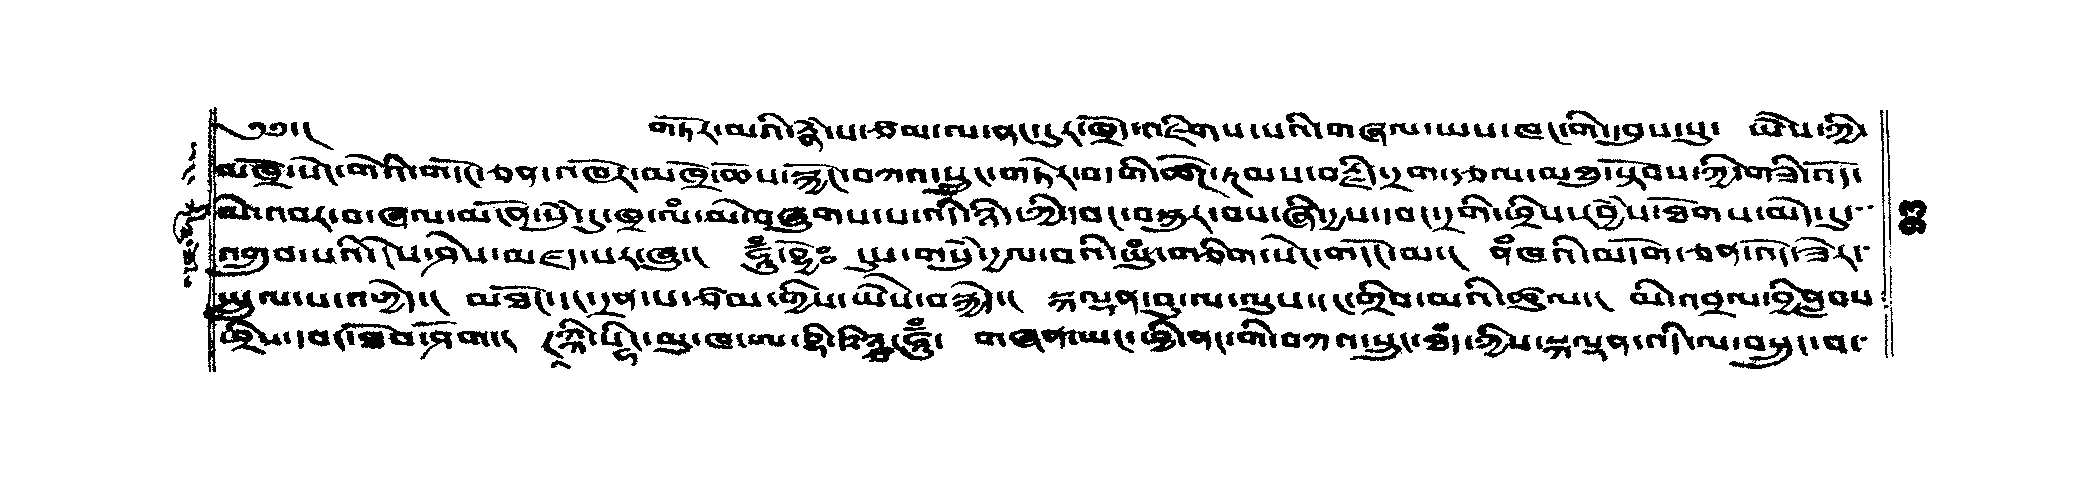གཏོར་མའི་རྣམ་པ་ཙམ་ལ་ནང་དུར་ཁྲོད་འཇིགས་པའི་གཞལ་ཡས་ཁང་གི་དབུས་སུ། ཡེ་ཤེས་ཀྱི་
མཁའ་འགྲོ་སེང་གེའི་གདོང་ཅན་འཁོར་མཁའ་འགྲོ་ཆོས་སྐྱོང་བཀའ་སྲུང་གཏེར་བདག་གི་ཚོགས་རྔམས་བརྗིད་དྲག་རྩལ་མཐུ་སྟོབས་ཀྱི་གཟི་འོད་
མེ་འབར་བ་ཞལ་མངོན་སུམ་དུ་ཁྲ་ལམ་མེ་བཞུགས་པ་འདི་ཉིད་ཀྱི་དབང་བསྐུར་བས་ཞི་རྒྱས་དབང་དྲག་གི་ཕྲིན་ལས་རབ་འབྱམས་ཐོགས་མེད་དུ་
འགྲུབ་པའི་ངེས་ཤེས་མཛད་པར་ཞུ། ཧཱུྃ་་བྷྱོཿ དུས་གསུམ་རྒྱལ་བའི་ཡུམ་གཅིག་སེང་གདོང་མ། །ནམ་མཁའི་མདོག་ཅན་འོད་ཟེར་
སྤྲུལ་པ་འགྱེད། །མཐོང་དང་དྲན་པ་ལཙམ་གྱིས་ཡེ་ཤེས་བསྐྱེད། །སྐལ་ལྡན་བུ་ལ་ལུས་དང་གྲིམ་པའི་ཚུལ། །མི་འབྲལ་བྱིན་རླབས་
ཕྲིན་ལས་དབང་ཤོག་ཌཱཀྐཱི་སིངྷ་མུ་ཁ་ཨ་བྷི་རིཉྩ་ཧཱུྃ། གཞན་ཡང་ཕྱི་ནང་གི་བཀའ་སྲུང་ཐམས་ཅད་ཀྱིས་སྐལ་ལྡན་འདི་ལ་བསྲུང་བ་